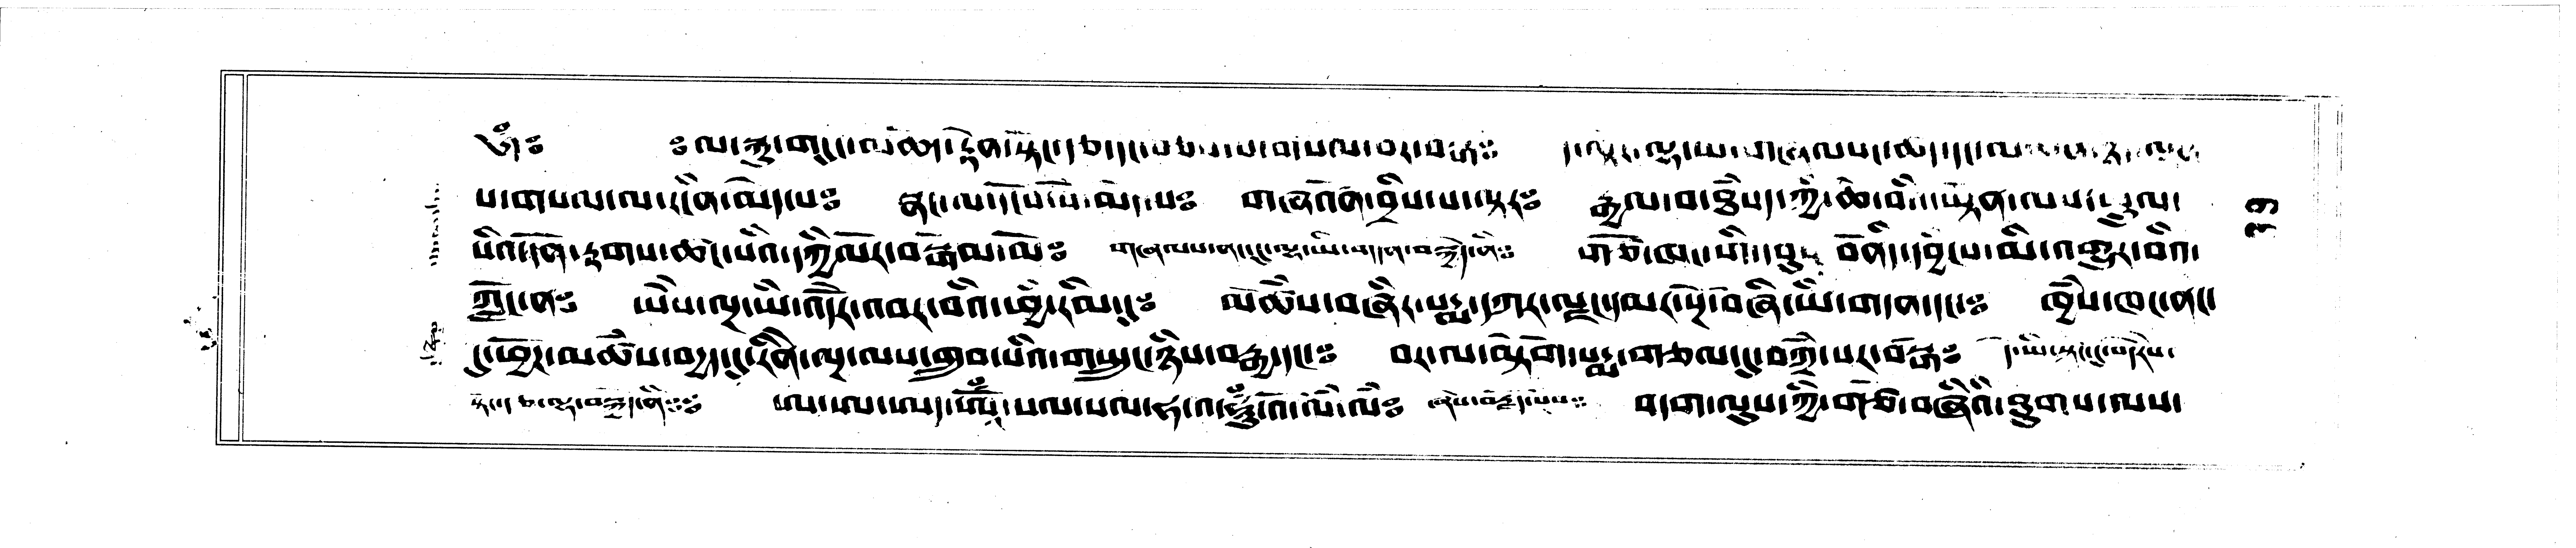ལ་སྐུ་གདུང་མཆོད་རྟེན་སྟོང་རྩ་དང་བཅས་པ་གསལ་བར་བསྒོམཿ དེ་སྟེང་ལྷ་ཡི་གཞལ་ཡས་ཁང་ཚད་དང་མཚན་ཉིད་ལྡན་
པ་གསལ་ལ་རང་བཞིན་མེད་པཿ སྣང་ལ་དངོས་པོ་མེད་པཿ གཞའ་ཚོན་བྲིས་པ་ལྟརཿ རྒྱལ་བ་ཐམས་ཅད་ཀྱི་ཆེ་བའི་ཡོན་ཏན་ལས་སྤྲུལ་
པའི་དོན་རྟགས་ཚང་བའི་དཀྱིལ་འཁོར་བསྒོམ་མོཿ གཞལ་ཡས་ནང་དུ་ལྷ་ཡི་གདན་བསྐྱེད་ནིཿ གཙོ་ཁང་གི་དབུས་བོན་ཉིད་ཀྱི་དབྱིངས་མི་འགྱུར་བའི་
ཀློང་ནཿ ཡེ་ཤེས་ལྷ་ཡི་འོད་ཟེར་འབར་བའི་ཕྱི་རིམ་དུཿ མཚམས་བཞིར་པད་མ་དཀར་ལྗང་དམར་སྔོ་བཞི་ཡི་གདན་དངཿ ཁྱམས་ཁང་ནང་
དུ་ཕྱོགས་མཚམས་བརྒྱད་དུ་རིན་ཆེན་ལྔ་ལས་གྲུབ་པའི་གཡུང་དྲུང་ཉིས་བརྒྱ་དངཿ བར་ལ་མེ་ཏོག་པད་མ་གཅལ་དུ་བཀྲམ་པར་བསྒོམཿ དེའི་སྟེང་དུ་བདེར་གཤེགས་
སྟོང་རྩ་ལྷ་བསྐྱེད་ནིཿ ཨ་ཨ་ཨད་ཨཱོྃ་སལ་སལ་ཧ་འ་ཧཱུྃ་འོ་ལྃ་ལྃཿ ཞེས་བརྗོད་པསཿ བདག་ལུས་ཀྱི་གཙོ་བཞིའི་ཐུགས་ལས་